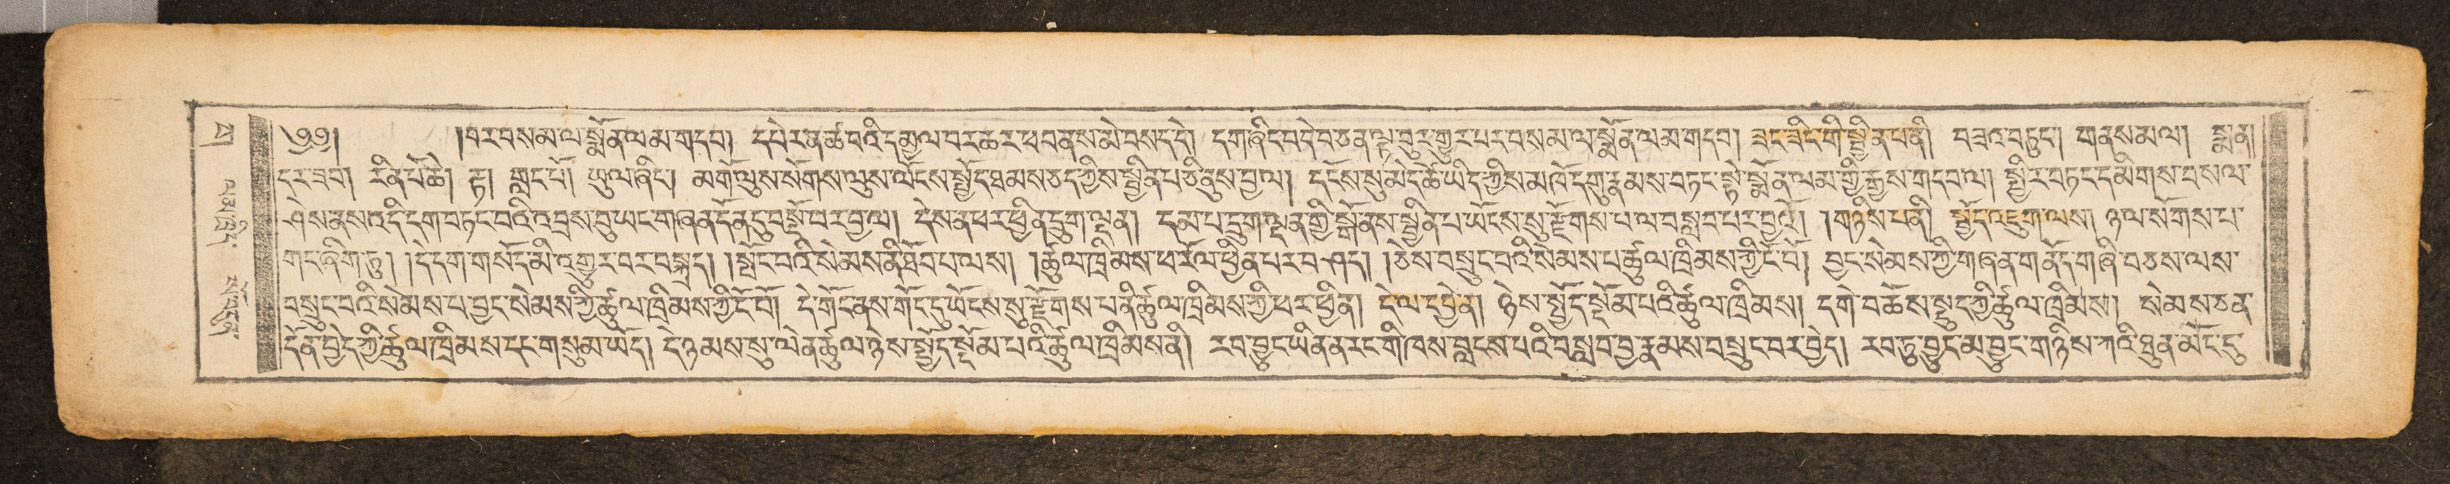༄༅། །བར་བསམ་ལ་སྨོན་ལམ་གདབ། དཔེར་ན་ཚ་བའི་དམྱལ་བར་ཆར་ཕབ་ནས་མེ་བསད་དེ། དག་ཞིང་བདེ་བ་ཅན་ལྟ་བུར་གྱུར་པར་བསམ་ལ་སྨོན་ལམ་གདབ། ཟང་ཟིང་གི་སྦྱིན་པ་ནི། བཟའ་བཏུང་། གནས་མལ། སྨན།
དར་ཟབ། རིན་པོ་ཆེ། རྟ། གླང་པོ། ཡུལ་ཞིང་། མགོ་ལུས་སོགས་ལུས་ལོངས་སྤྱོད་ཐམས་ཅད་ཀྱིས་སྦྱིན་པ་ཅི་ནུས་བྱ་ལ། དངོས་སུ་མེད་ཚེ་ཡིད་ཀྱིས་མཁོ་དགུ་རྣམས་བཏང་སྟེ་སྨོན་ལམ་གྱི་རྒྱས་གདབ་ལ། སྤྱིར་བཏང་དམིགས་བསལ་
ཤེས་ནས་འདི་དག་བཏང་བའི་འབྲས་བུ་ཡང་གཞན་དོན་དུ་བསྔོ་པར་བྱ་ལ། དེས་ན་ཕར་ཕྱིན་དྲུག་ལྡན། དམ་པ་དྲུག་ལྡན་གྱི་སྒོ་ནས་སྦྱིན་པ་ཡོངས་སུ་རྫོགས་པ་ལ་བསླབ་པར་བྱའོ། །གཉིས་པ་ནི། སྤྱོད་འཇུག་ལས། ཉལ་སོགས་པ་
གང་ཞིག་ཏུ། །དེ་དག་གསོད་མི་འགྱུར་བར་བསྐྲད། །སྤོང་བའི་སེམས་ནི་ཐོབ་པ་ལས། །ཚུལ་ཁྲིམས་ཕ་རོལ་ཕྱིན་པར་བཤད། །ཅེས་བསྲུང་བའི་སེམས་པ་ཚུལ་ཁྲིམས་ཀྱི་ངོ་བོ། བྱང་སེམས་ཀྱི་གཞན་གནོད་གཞི་བཅས་ལས་
བསྲུང་བའི་སེམས་པ་བྱང་སེམས་ཀྱི་ཚུལ་ཁྲིམས་ཀྱི་ངོ་བོ། དེ་གོང་ནས་གོང་དུ་ཡོངས་སུ་རྫོགས་པ་ནི་ཚུལ་ཁྲིམས་ཀྱི་ཕར་ཕྱིན། དེ་ལ་དབྱེ་ན། ཉེས་སྤྱོད་སྡོམ་པའི་ཚུལ་ཁྲིམས། དགེ་བ་ཆོས་སྡུད་ཀྱི་ཚུལ་ཁྲིམས། སེམས་ཅན་
དོན་བྱེད་ཀྱི་ཚུལ་ཁྲིམས་དང་གསུམ་ཡོད། དེ་ཉམས་སུ་ལེན་ཚུལ་ཉེས་སྤྱོད་སྡོམ་པའི་ཚུལ་ཁྲིམས་ནི། རབ་བྱུང་ཡིན་ན་རང་གི་ཁས་བླངས་པའི་བསླབ་བྱ་རྣམས་བསྲུང་བར་བྱེད། རབ་ཏུ་བྱུང་མ་བྱུང་གཉིས་ཀའི་ཐུན་མོང་དུ་